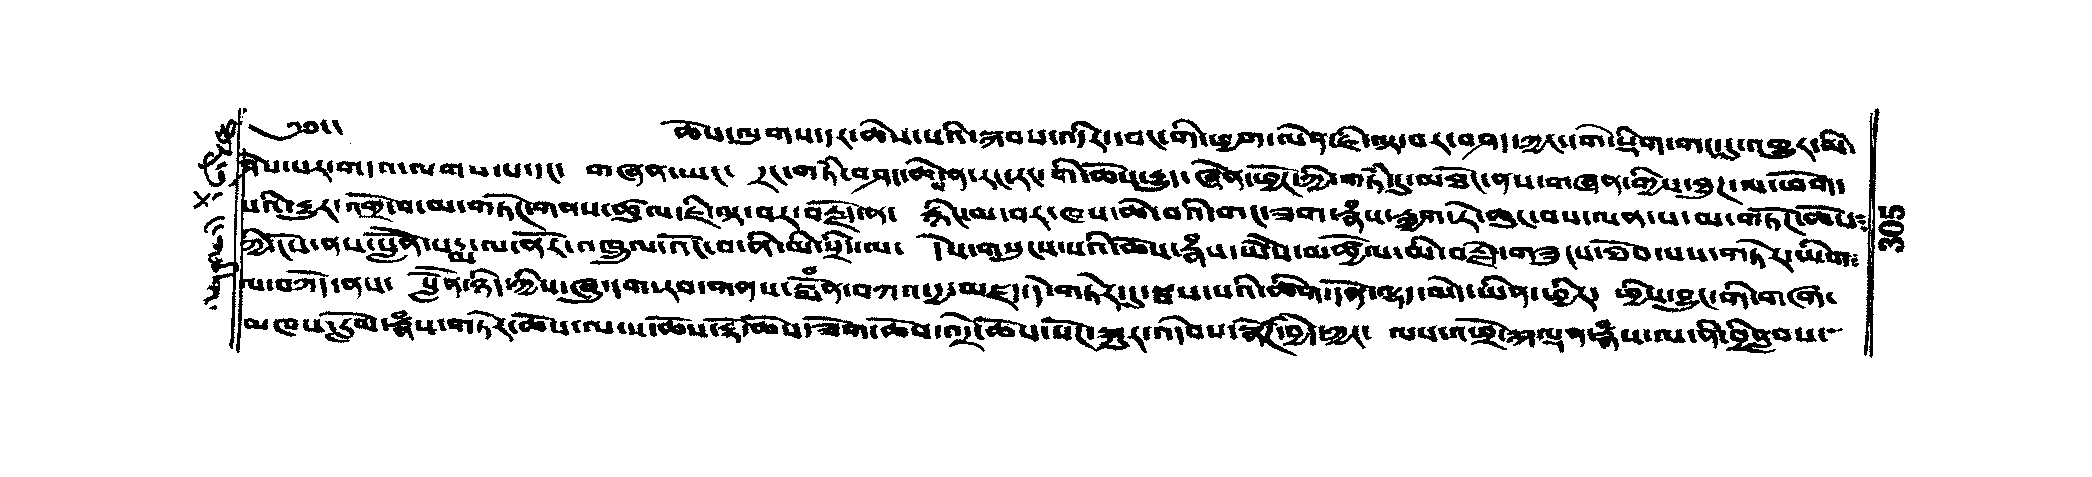ཆོསཔལུགསཔདརཔཆེསཔ་འིཔསྐབསཔའདིརཔདབངཔགིཔཕྱགཔལེནཔཇིཔལྟཔབརཔབཤདཔཀྱངཔདགེཔསྡིགཔགངཔདུཔའགྱུར་མི་
ཤེས་པར་གདའཔལགསཔ་པདངཔ། གཞནཔཡངཔདྲངཔགཏམཔབཤདཔཆེསཔནཔརངཔརངཔགིཔཆོསཔརྒྱུདཔཞེནཔཕྱོགསཔཀྱིཔགཏམཔདུཔམཐོངཔནསཔགཞནཔགྱིསཔཐུགསཔལཔཕོག་
པའི་རྒྱུར་འགྲོ་བ་མགཏོགསཔགནསཔཚུལཔཇིཔལྟཔབརཔབརྗོདཔན། རྙིངཔམཔབརཔཁསཔཆེཔབའིཔགངཔཟགཔརྣམསཔརྐྱགཔརེཔཆུངཔབསཔལནཔ་པམཔགཏོགསཔཆོས་
ཀྱི་ངོས་ནས་སློབ་ད་ོན་དྨལ་ནོར་འཁྲུལ་འོངཔབཔནིཔམིཔསྲིདཔལ། དེསཔགསུངསཔ་འིཔཆོསཔརྣམསཔཡེཔཤེསཔམཚོཔརྒྱལཔམིཔབརྗེདཔ་འིཔགཟུངསཔཐོབཔ་སཔགཏེརཔཡིག་
ལ་བཀོད་ནས། སློབ་ཉིད་ཀྱིས་ཞུ་དག་རབ་གནས་སྨོན་ལམ་བཀའ་རྒྱ་མཛད་དེ་གཏེར་དུ་སྦས་པའི་ཚིག་དོན་ལྷད་མེད་ཡིན་ཕྱིར། ཕྱིས་བྱུང་གི་གང་ཟག
མཁས་རློམ་རྣམས་གཏེར་ཆོས་ལས་ཆོས་རྡོ་ཆོས་ཟོག་ཆོས་འདྲེ་ཆོས་སོགས་སྐུར་འདེབས་སྣ་ཚོགས་བྱེད་ཀྱང་། ལས་འཕྲོ་སྐལ་ལྡན་རྣམས་ལ་ནི་བྱིན་རླབས་